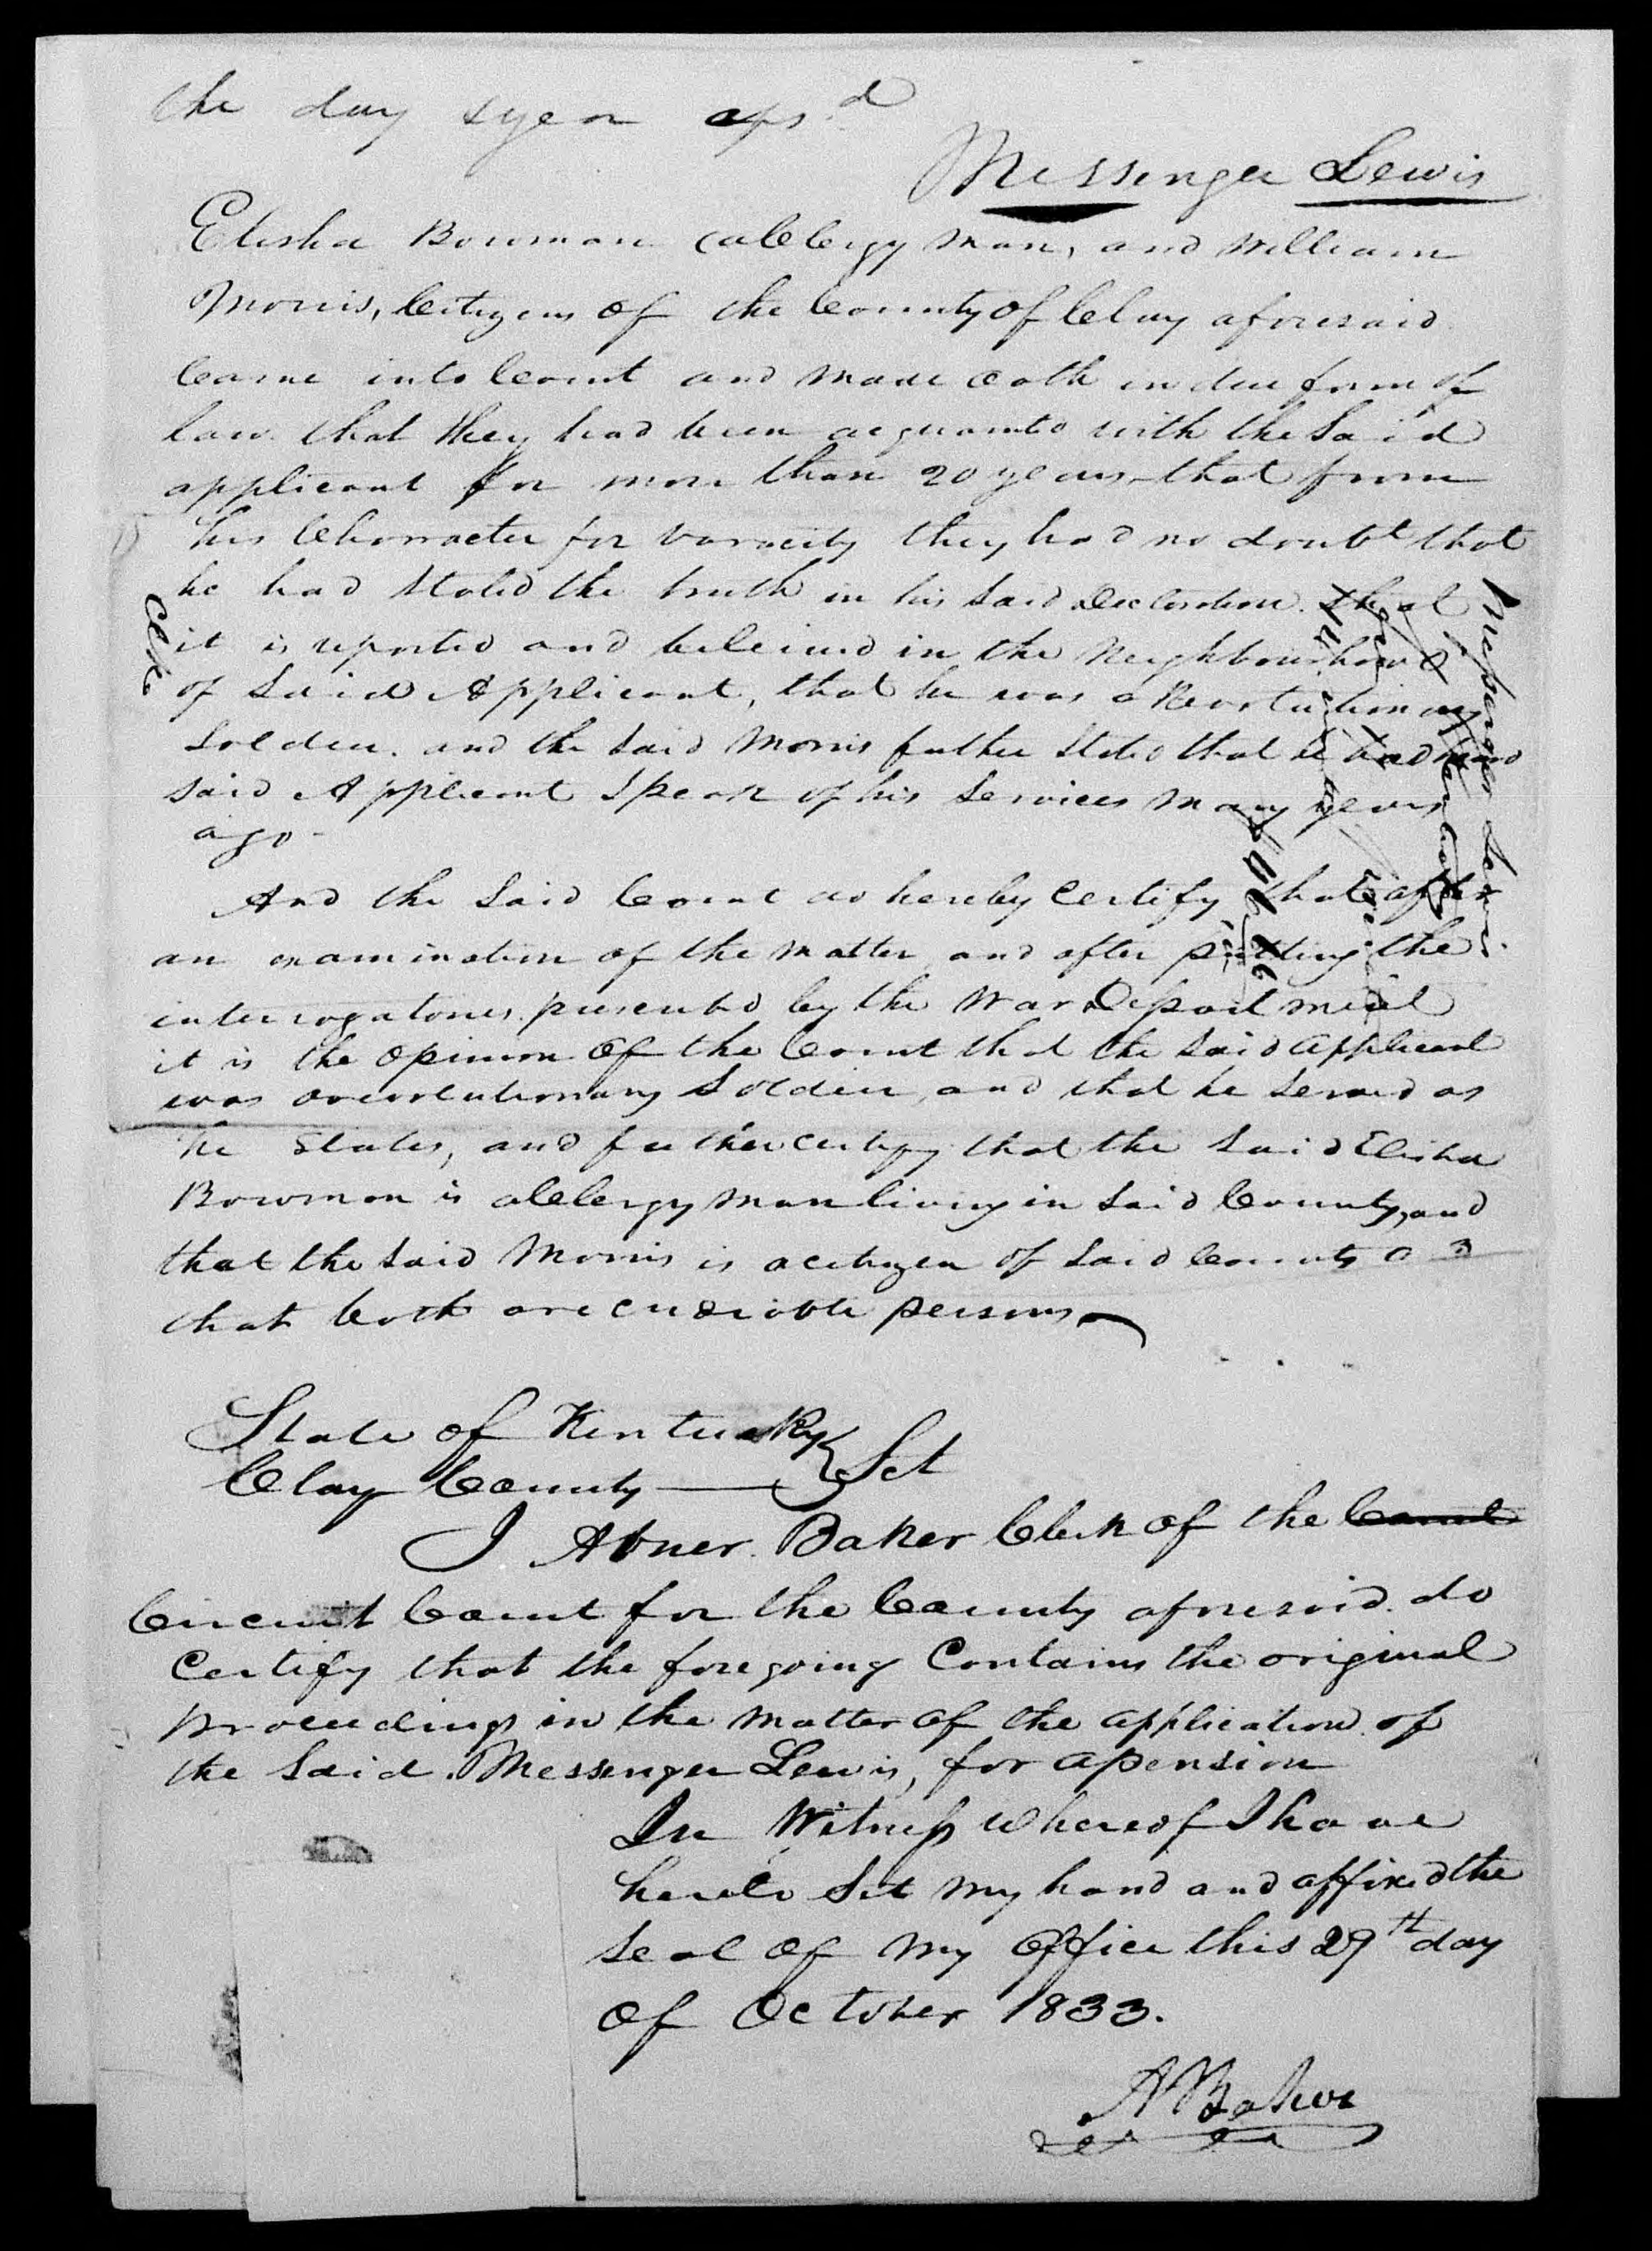Messenger Lewis 
Kentucky 
[unreadable] 17 private 14 months 
$46.66
clk
the day & year afsd 
Messenger Lewis 
Elisha Bowman (a clergyman) and William Morris, citizens of the County of Clay aforesaid came into Court and made oath in due form of law that they had been acquainted with the said applicant for more than 20 years - that from his character for veracity they had no doubt that he had stated the truth in his said declaration that it is reported and believed in the neighbourhood of said applicant, that he was a Revolutionary soldier and the said Morris further states that he had heard said applicant speak of his services many years ago. 
And the said Court do hereby certify that after an examination of the matter and after putting the interrogatories presented by the War Department it is the opinion of the Court that the said applicant was a revolutionary soldier, and that he served as he states, and further certify that the said Elisha Bowman is a clergyman living in said County, and that the said Morris is a citizen of said County and that both are credible persons. 
State of Kentucky Clay County } Sct 
I Abner Baker Clerk of the Circuit Court for the County aforesaid do certify that the foregoing contains the original proceedings in the matter of the application of the said Messenger Lewis, for a pension. In witness whereof I have hereto set my hand and affixed the seal of my office this 29th day of October 1833 
A Baker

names: Elisha Bowman; Abner Baker; William Morris; Messenger Lewis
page: 6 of 12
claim: survivor's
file: S. 31207, for Messenger Lewis, Connecticut